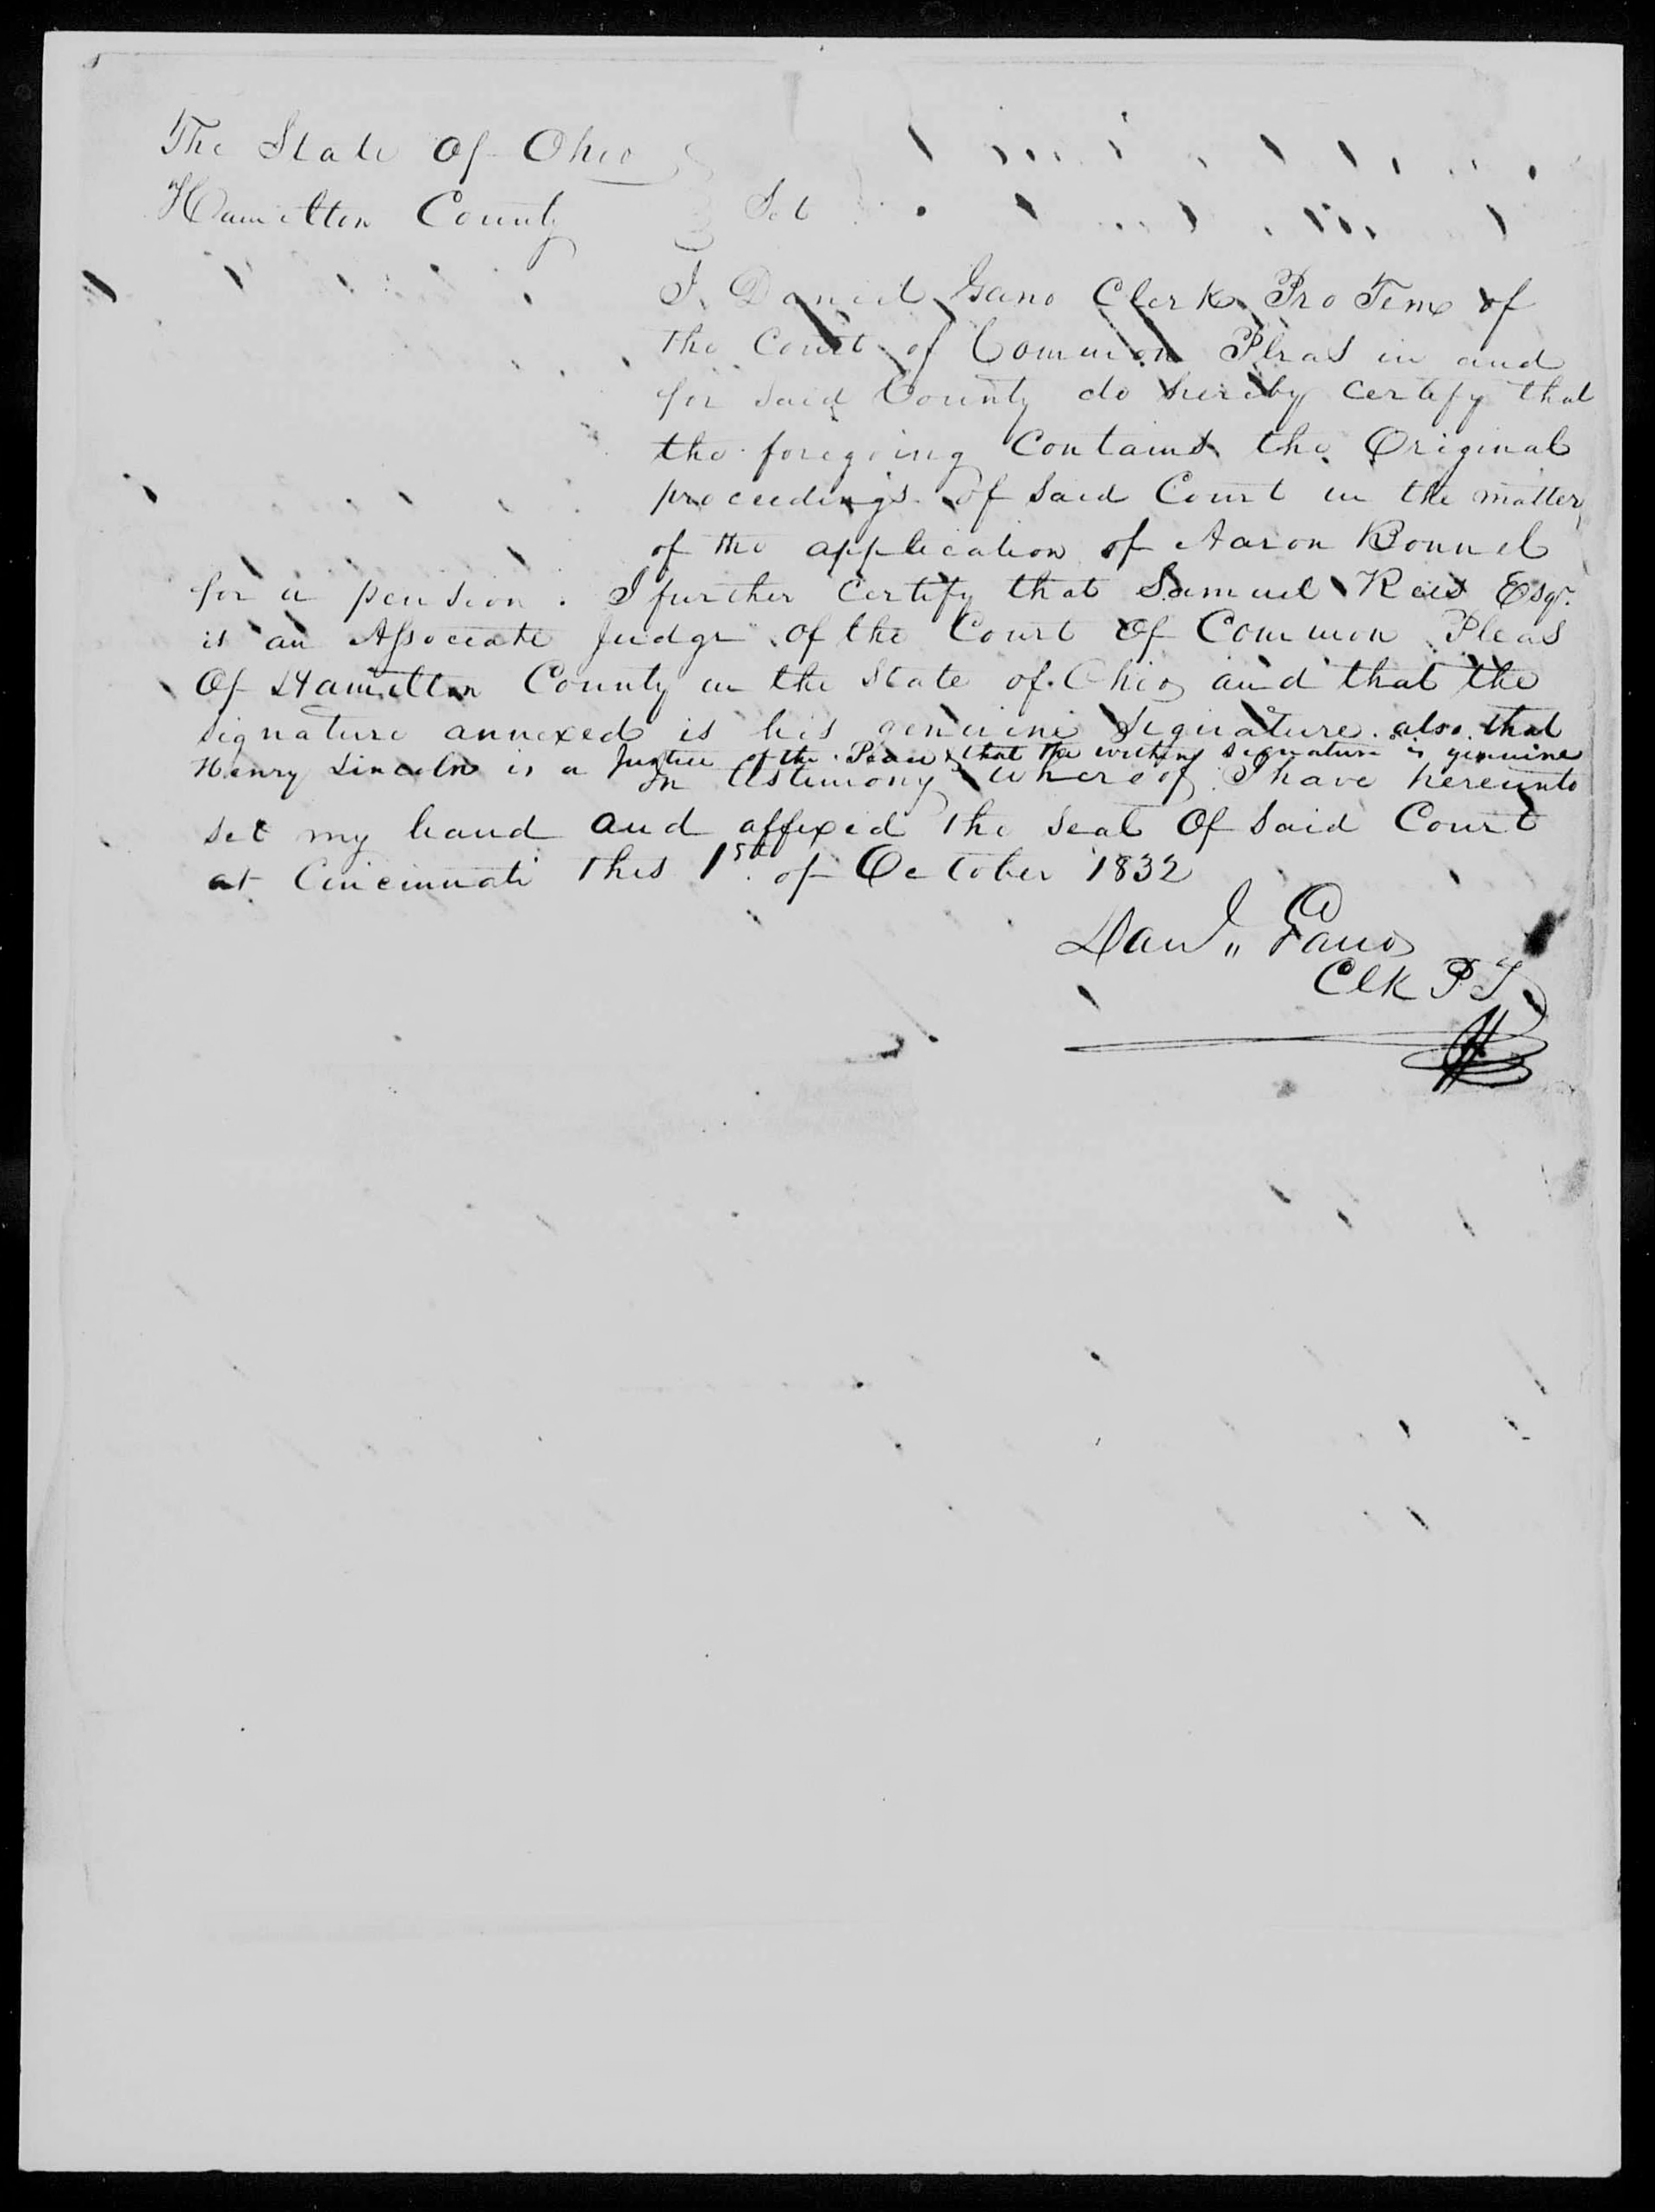The State of Ohio
Hamilton County
I Daniel Gano Clerk Pro Tem of the Court of Common Pleas in and for said county do hereby certify that the foregoing contains the original proceedings of said court in the matter of the application of Aaron Bonnel for a pension.  I further certify that Samuel Rees Esq is an Associate Judge of the Court of Common Pleas of Hamilton County in the State of Ohio and that the signature annexed is his genuine signature, also that Henry Lincoln is a Justice of the Peace, &that the within signature is genuine.  
In Testimony whereof I have hereunto set my hand and affixed the seal of said Court at Cincinnati this 1st of October 1832
Danl Gano
Clk P.T.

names: Daniel Gano, Samuel Rees, Danl Gano, Aaron Bonnel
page: 41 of 67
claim: rejected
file: R. 1009, Aaron Bonnel, New Jersey